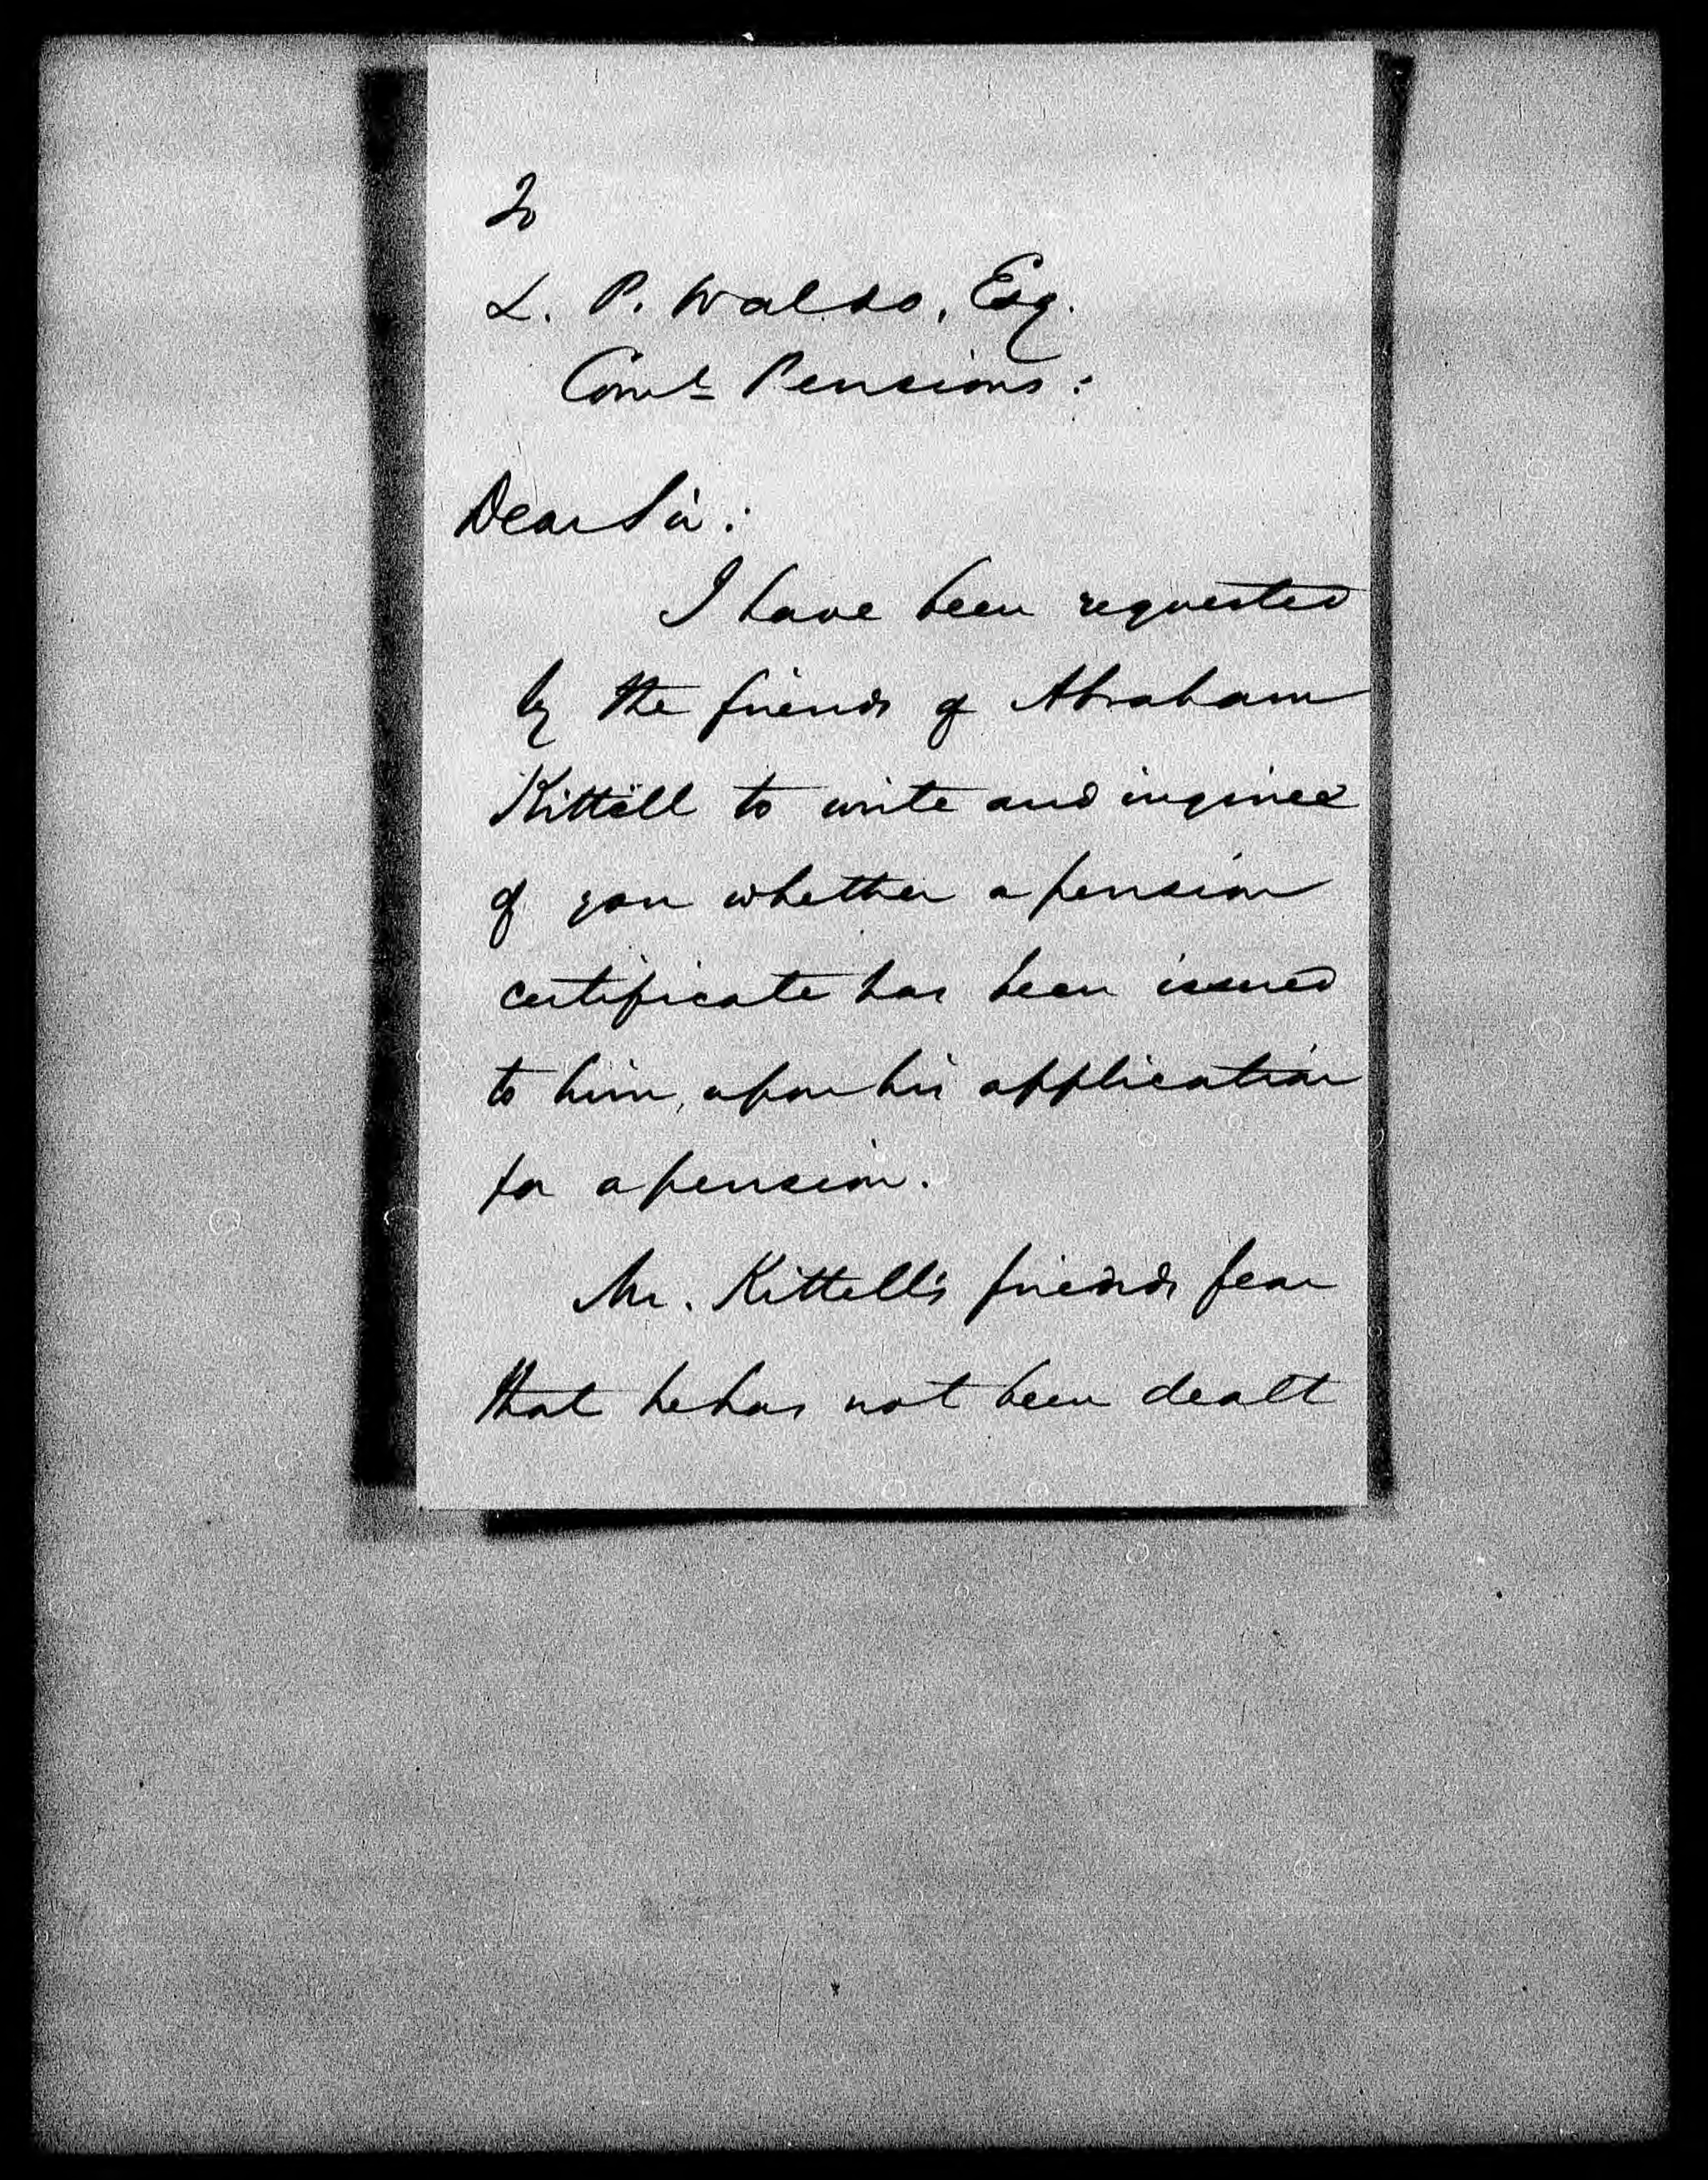To L. P. Waldo, Esq
 Com Pensions
 I have been requested Dear Sir. by the friends of Abraham Kittell to write and inquire of you whether a pension certificate has been issued to him, for his application for a pension Mr. Kittell's friends fear that he has not been death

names: L P Waldo; Abraham Kittell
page: 12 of 18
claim: rejected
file: R. 6002, for Abraham Kittle, New York